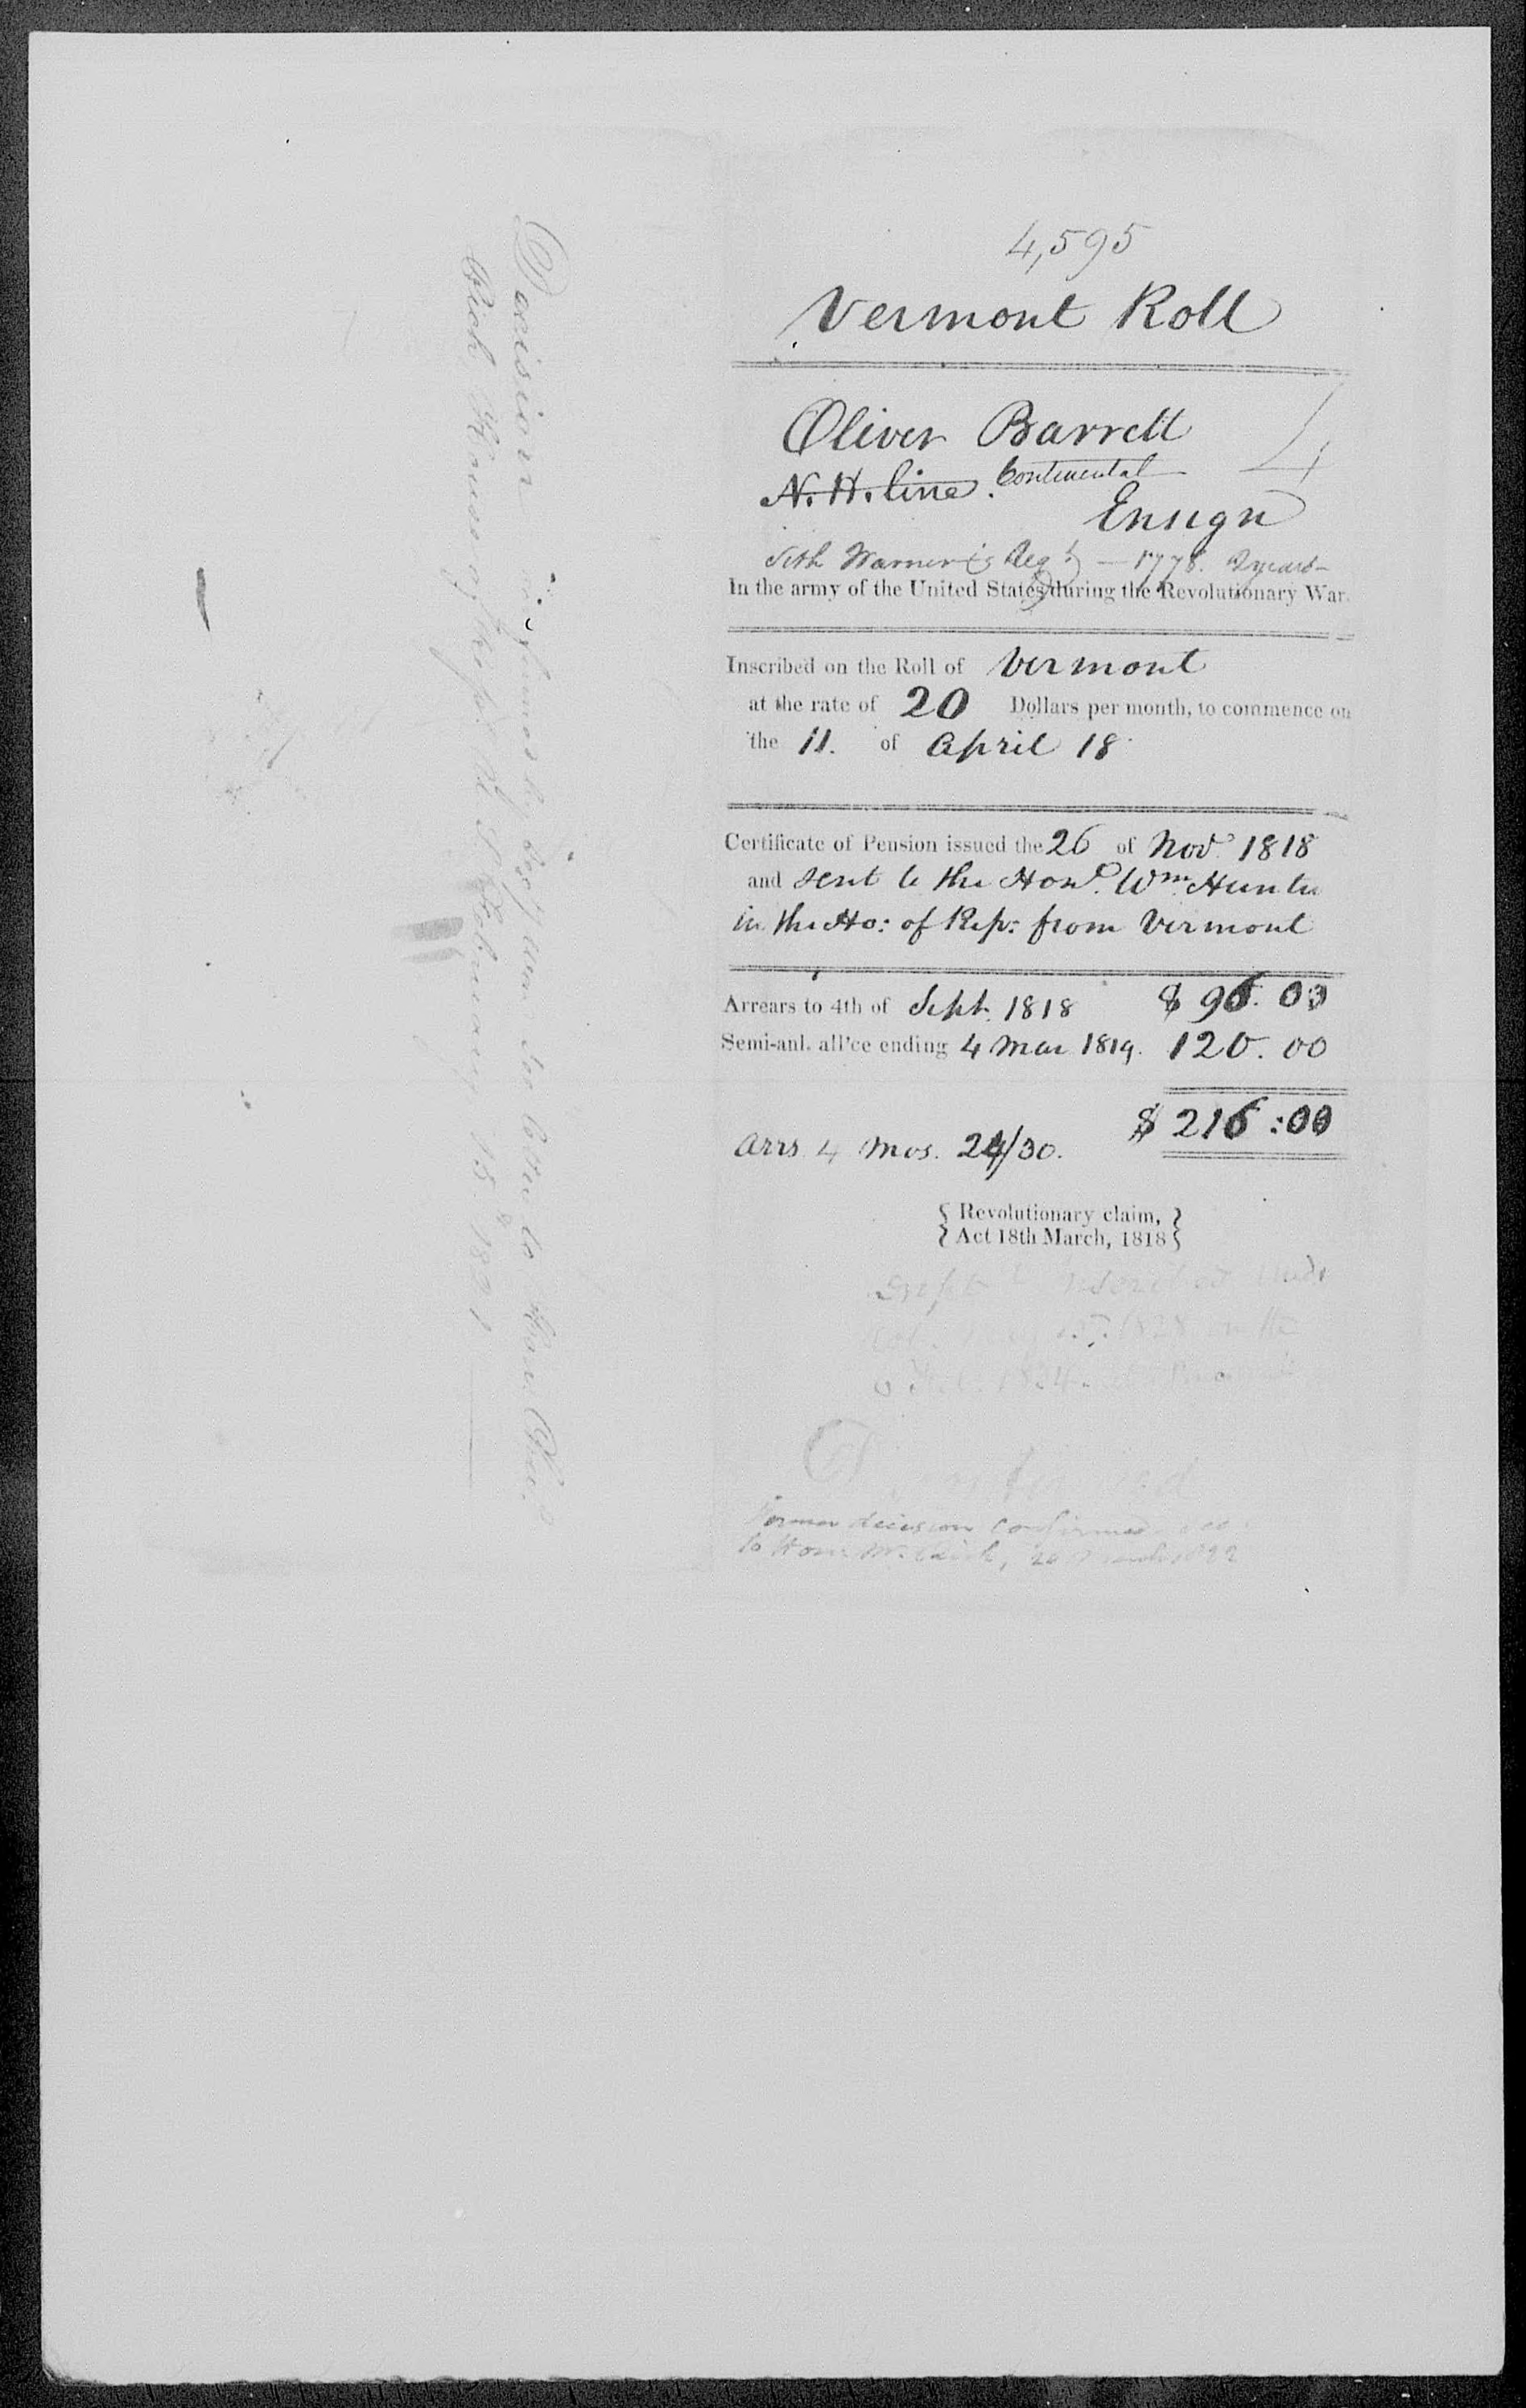4595
Vermont Roll
Oliver Barrett
N.H. line (crossed out) Continental 4
Ensign
Seth Warner's Regt 1778 2 years
In the army of the United States during the Revolutionary War

Inscribed on the Roll of Vermont
at the rate of 20 Dollars per month, to commence on the 11th of April 18

Certificate of Pension issued the 26 of Nov. 1818
and sent to the Hon. Wm Hunter
in the Ho. of Reps from Vermont

Arrears to the 4th of Sept. 1818 $96.00
Semi-anl all'ce ending 4 Mar 1819 120
$216.00

Arrs 4 mos 24/30

Revolutionary Claim,
Act 18th March, 1818

Honor decision confirmed to Hon Wm Nish 20 November 1822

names: Wm Hunter, Oliver Barrett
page: 13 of 83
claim: widow's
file: W. 10,384, Oliver Barrett, Continental (Vt.) N.Y.